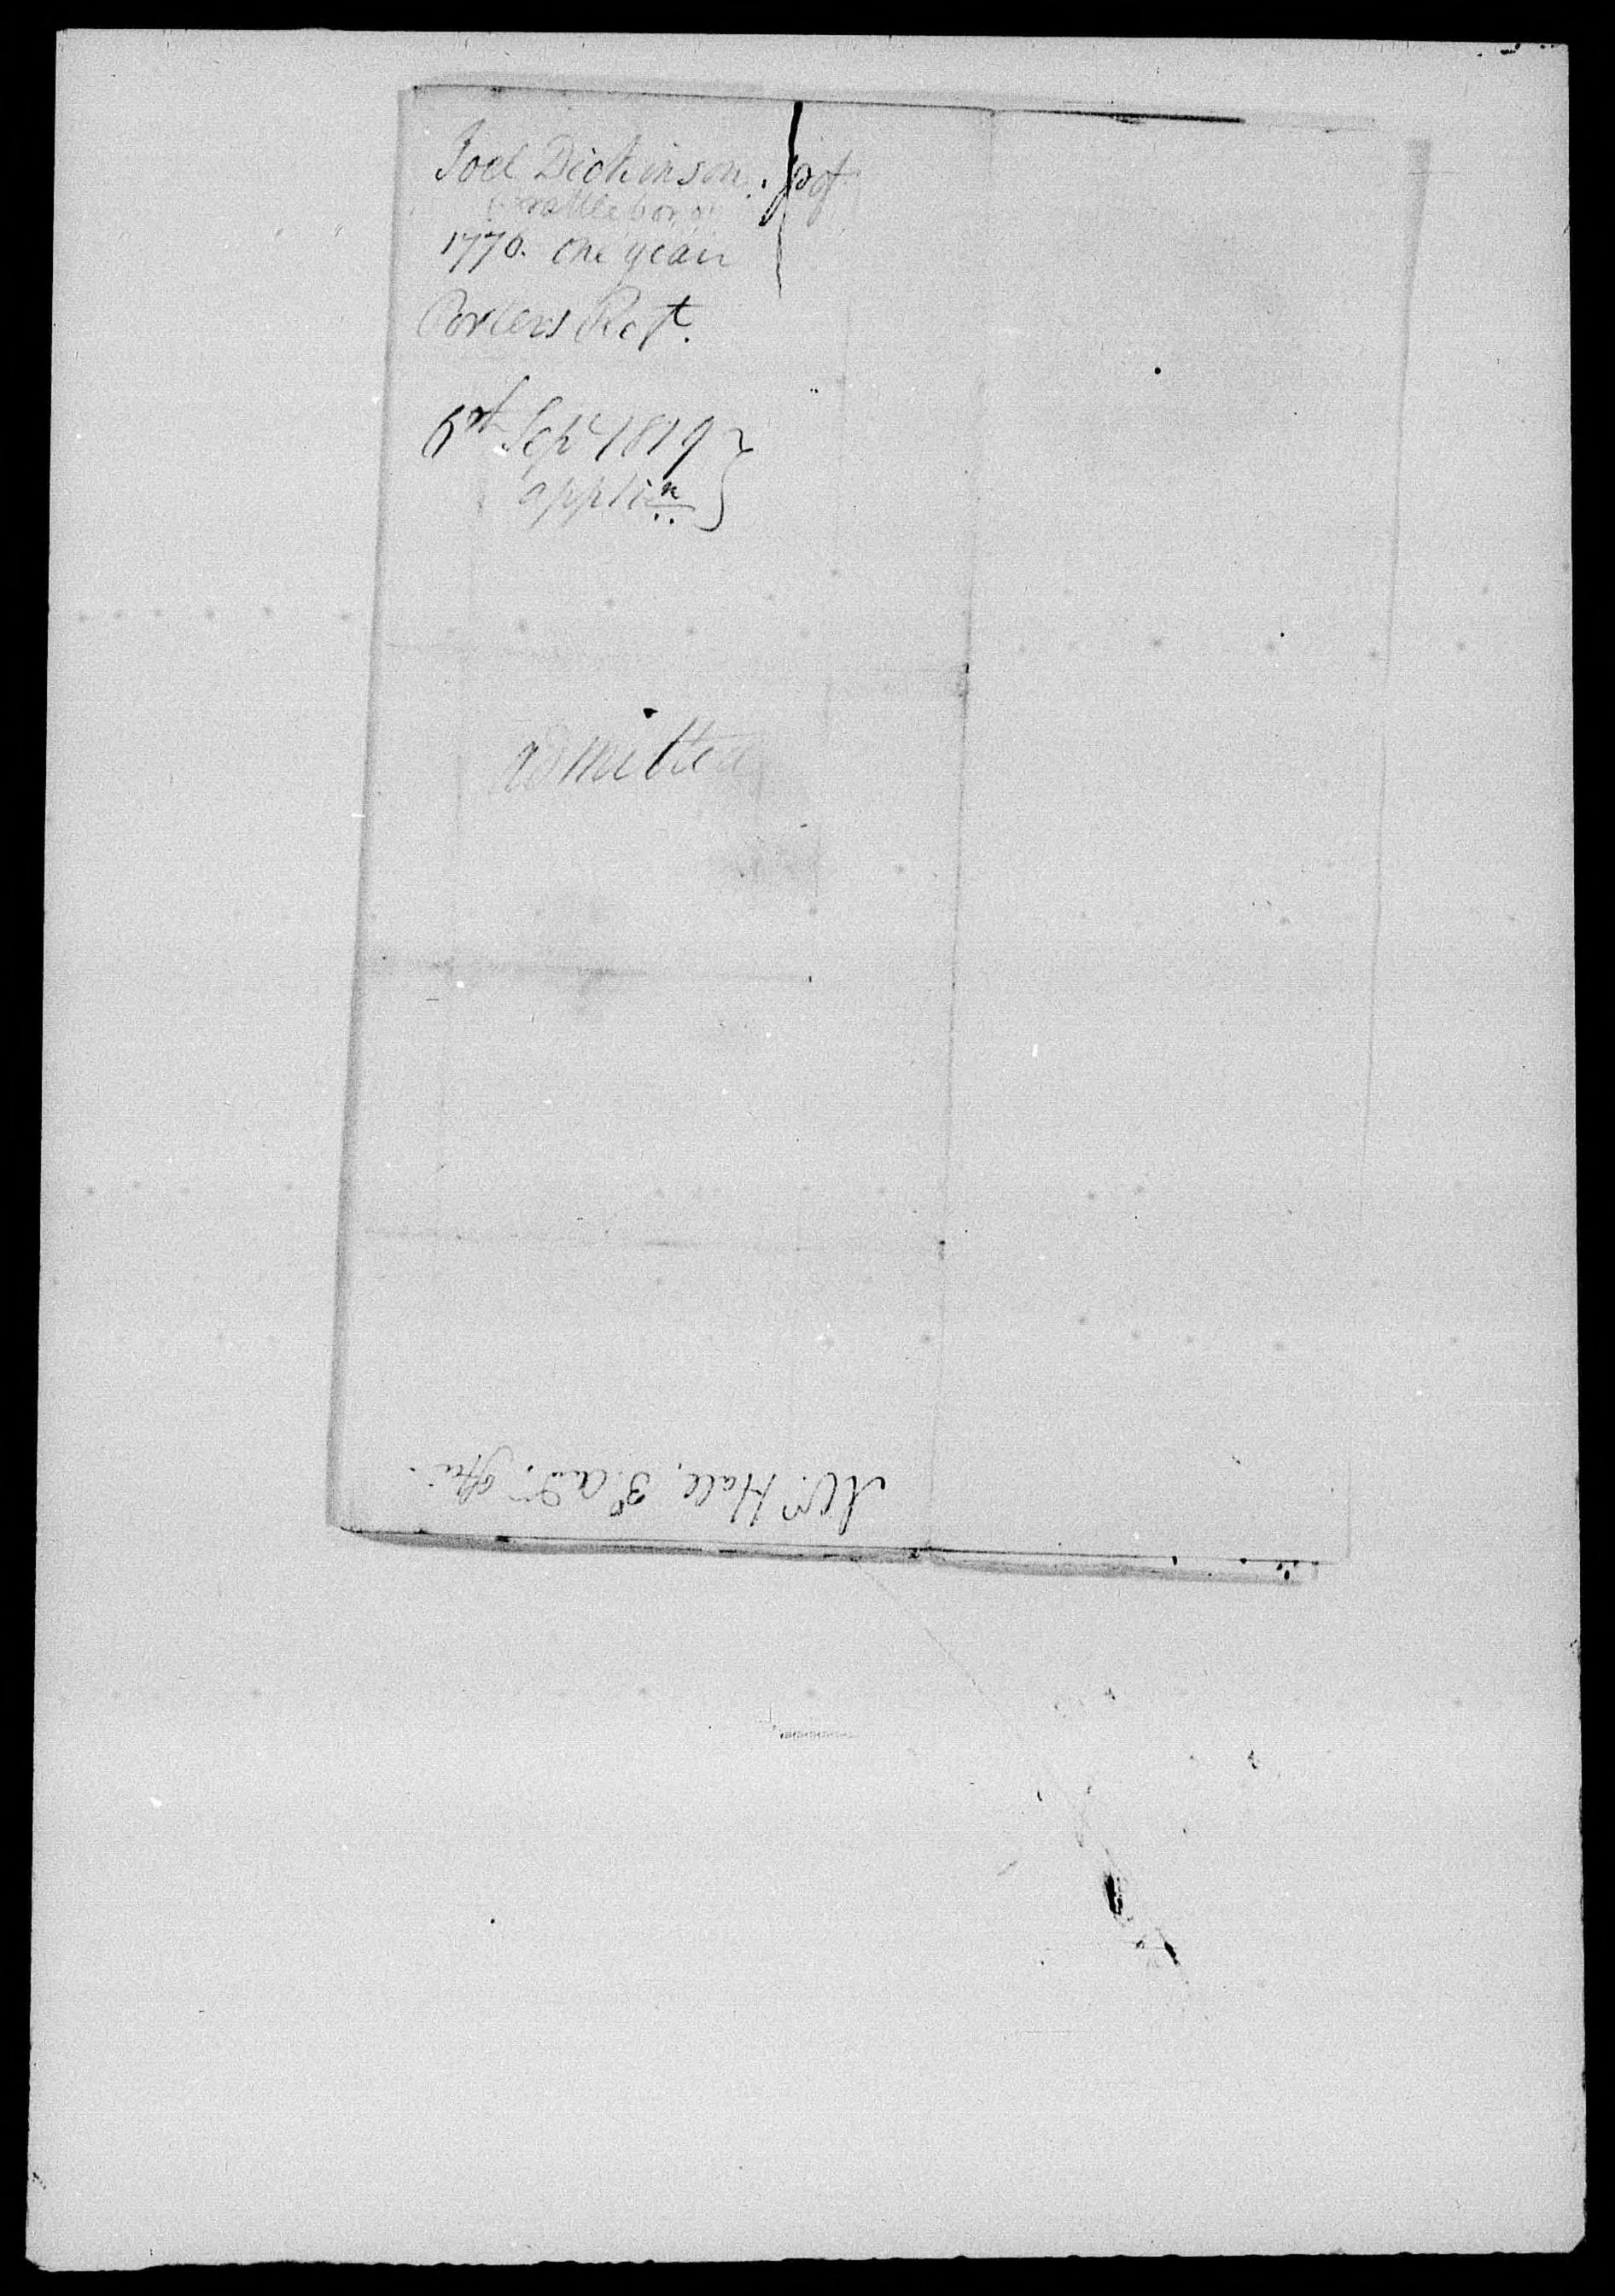Joel Dickinson Ss of
Brattleborough
1776 One year
Porters Regt.

6th Sep 1819}
appli}

AD Mitted

Wm. Hall 3d Aud. Office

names: Joel Dickinson, Hall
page: 13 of 31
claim: widow's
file: W. 22946, Joel Dickinson, Mass.